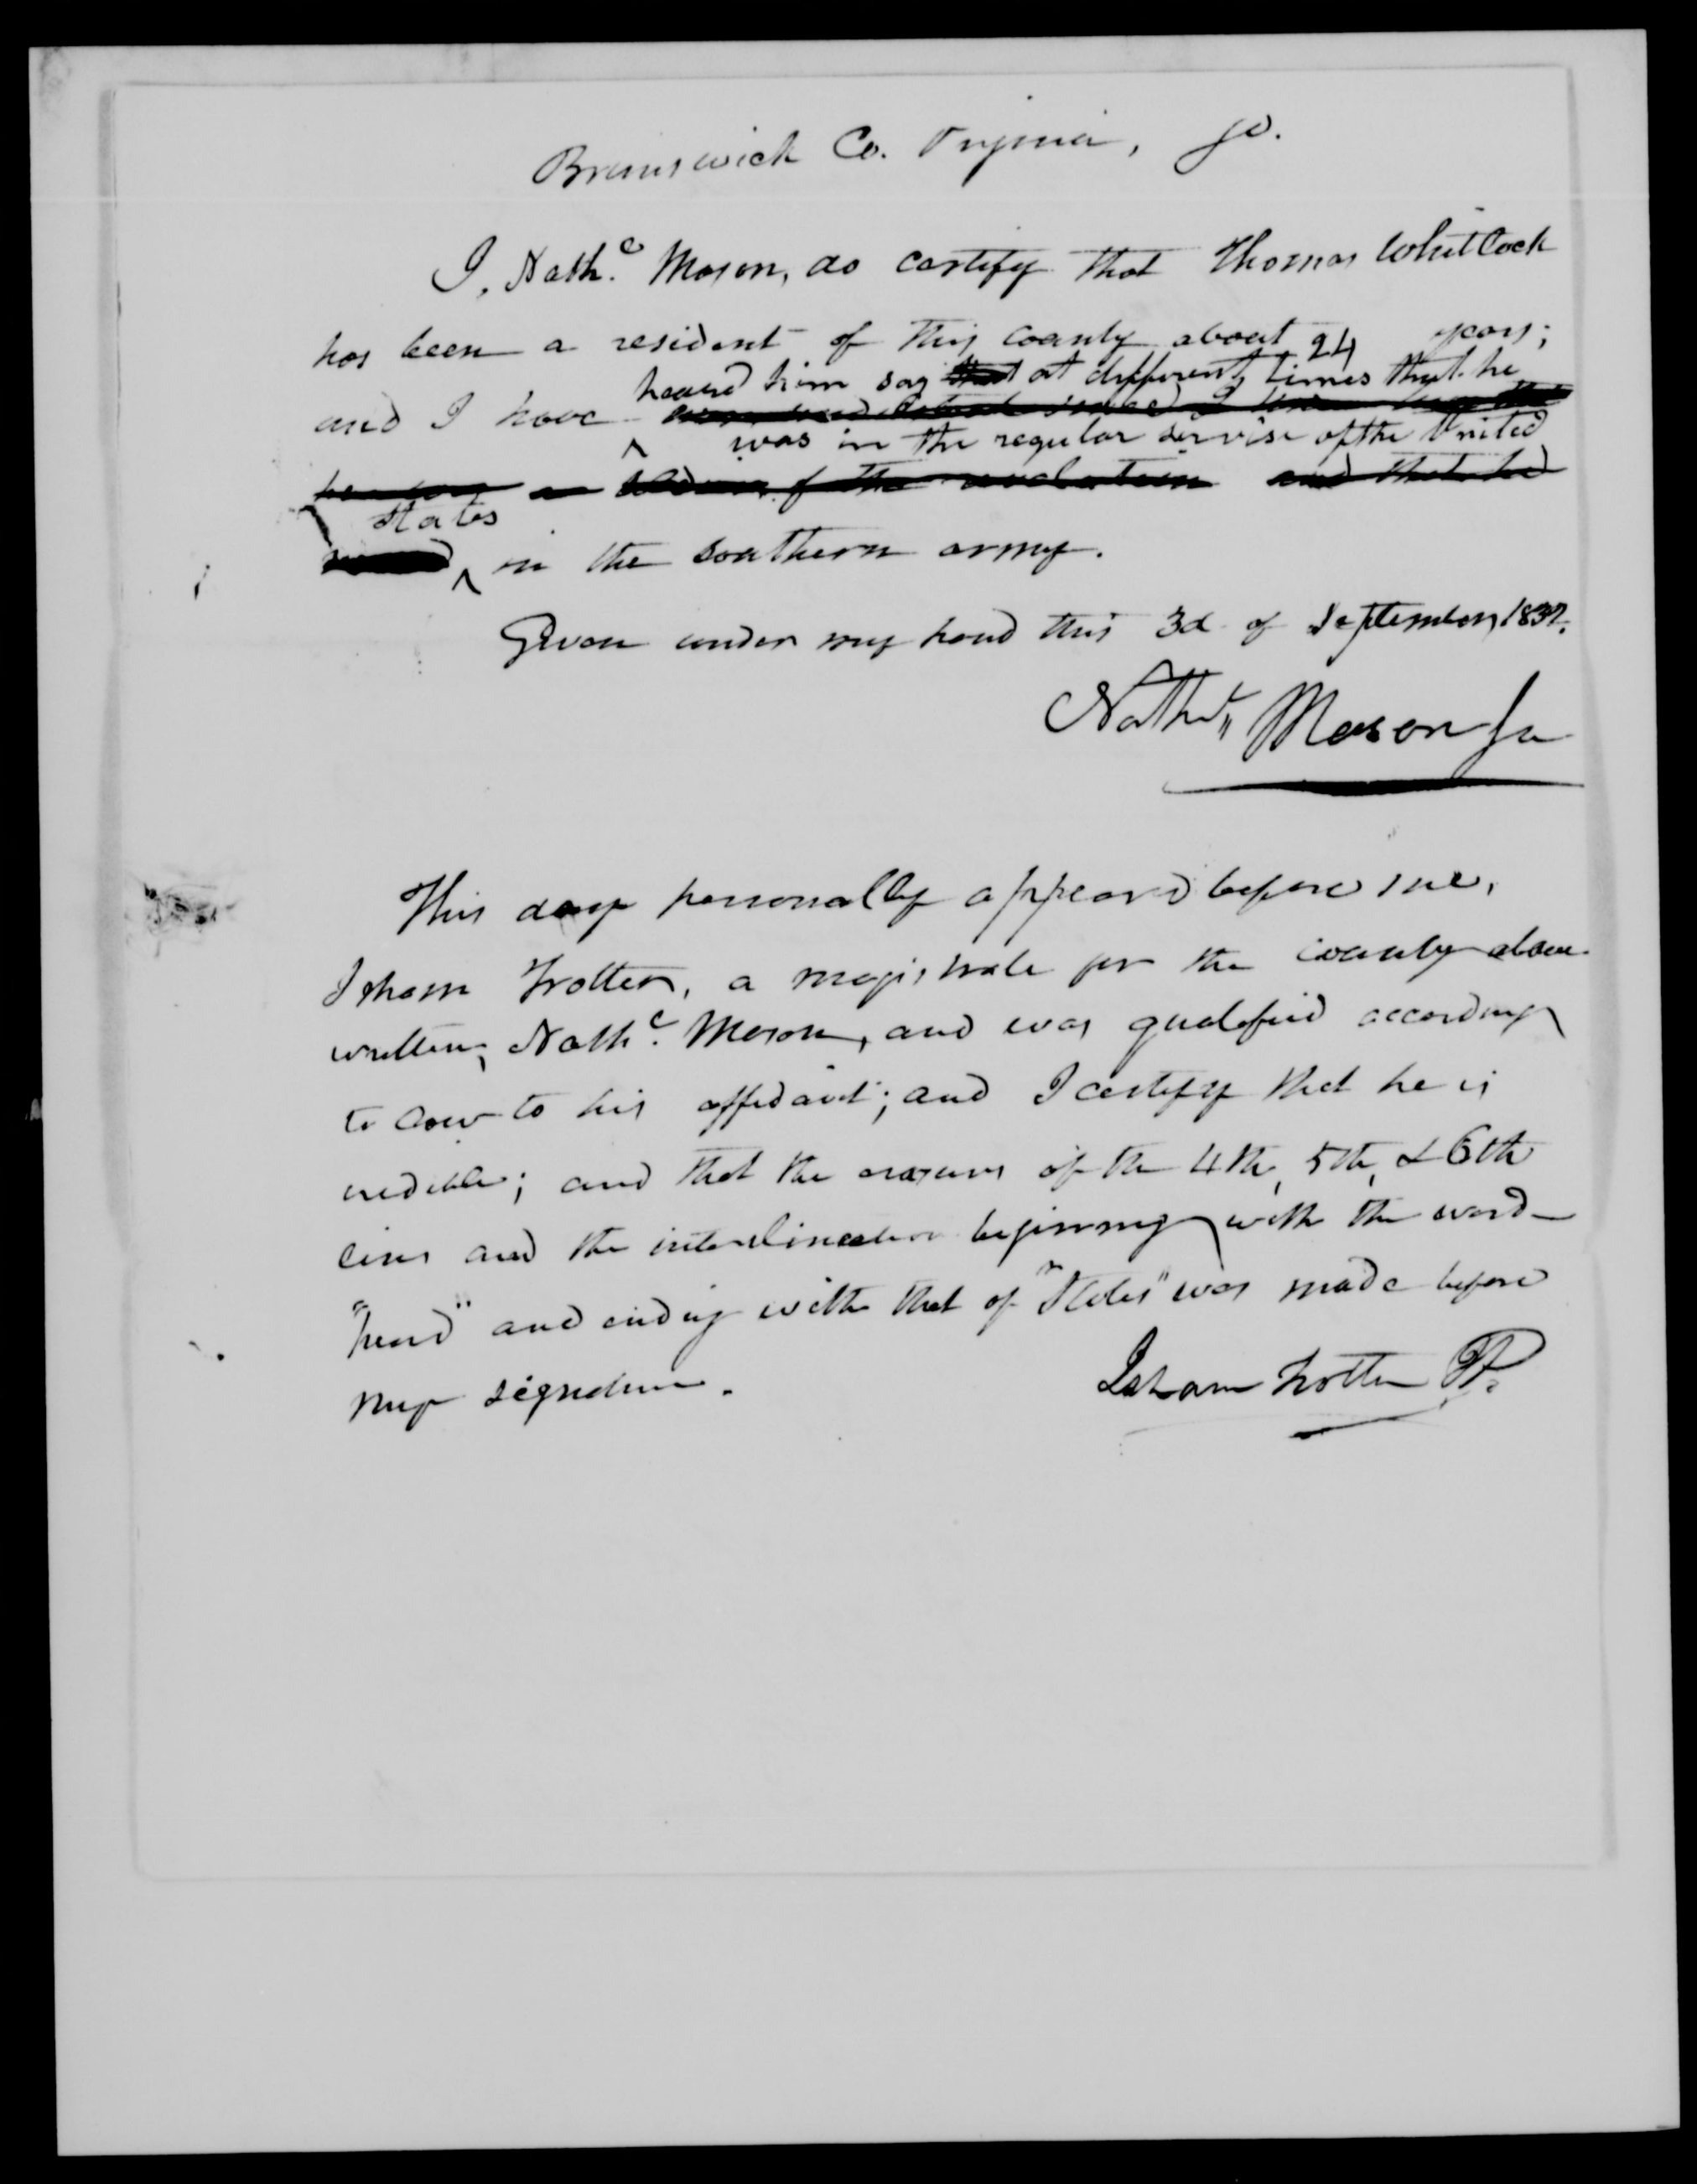Brunswick Co. Virginia, 
I, Nath Mason, do certify that Thomas Whitlock has been a resident of this County, about 24 years; and I have heard him say that different times that he was in the regular service of the United States in the southern army. 
Given under my hand this 30th of September 1832. Nath Mason, Judge

This day personally appeared before me, Isham Trotter a magistrate for the County above, written, Nath Mason, and was qualified according to law to his affidavit; and I certify that he is credible; and that the erasures of the 4th 5th & 6th in and the interlineation being with the word “heard” and ending with that of “State" was made before my signature 
Isham Potter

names: Thomas Whitlock, Ishom Trotter, Nathe Mason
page: 9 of 32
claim: survivor's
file: S. 16020, Thomas Whitlock, Va.